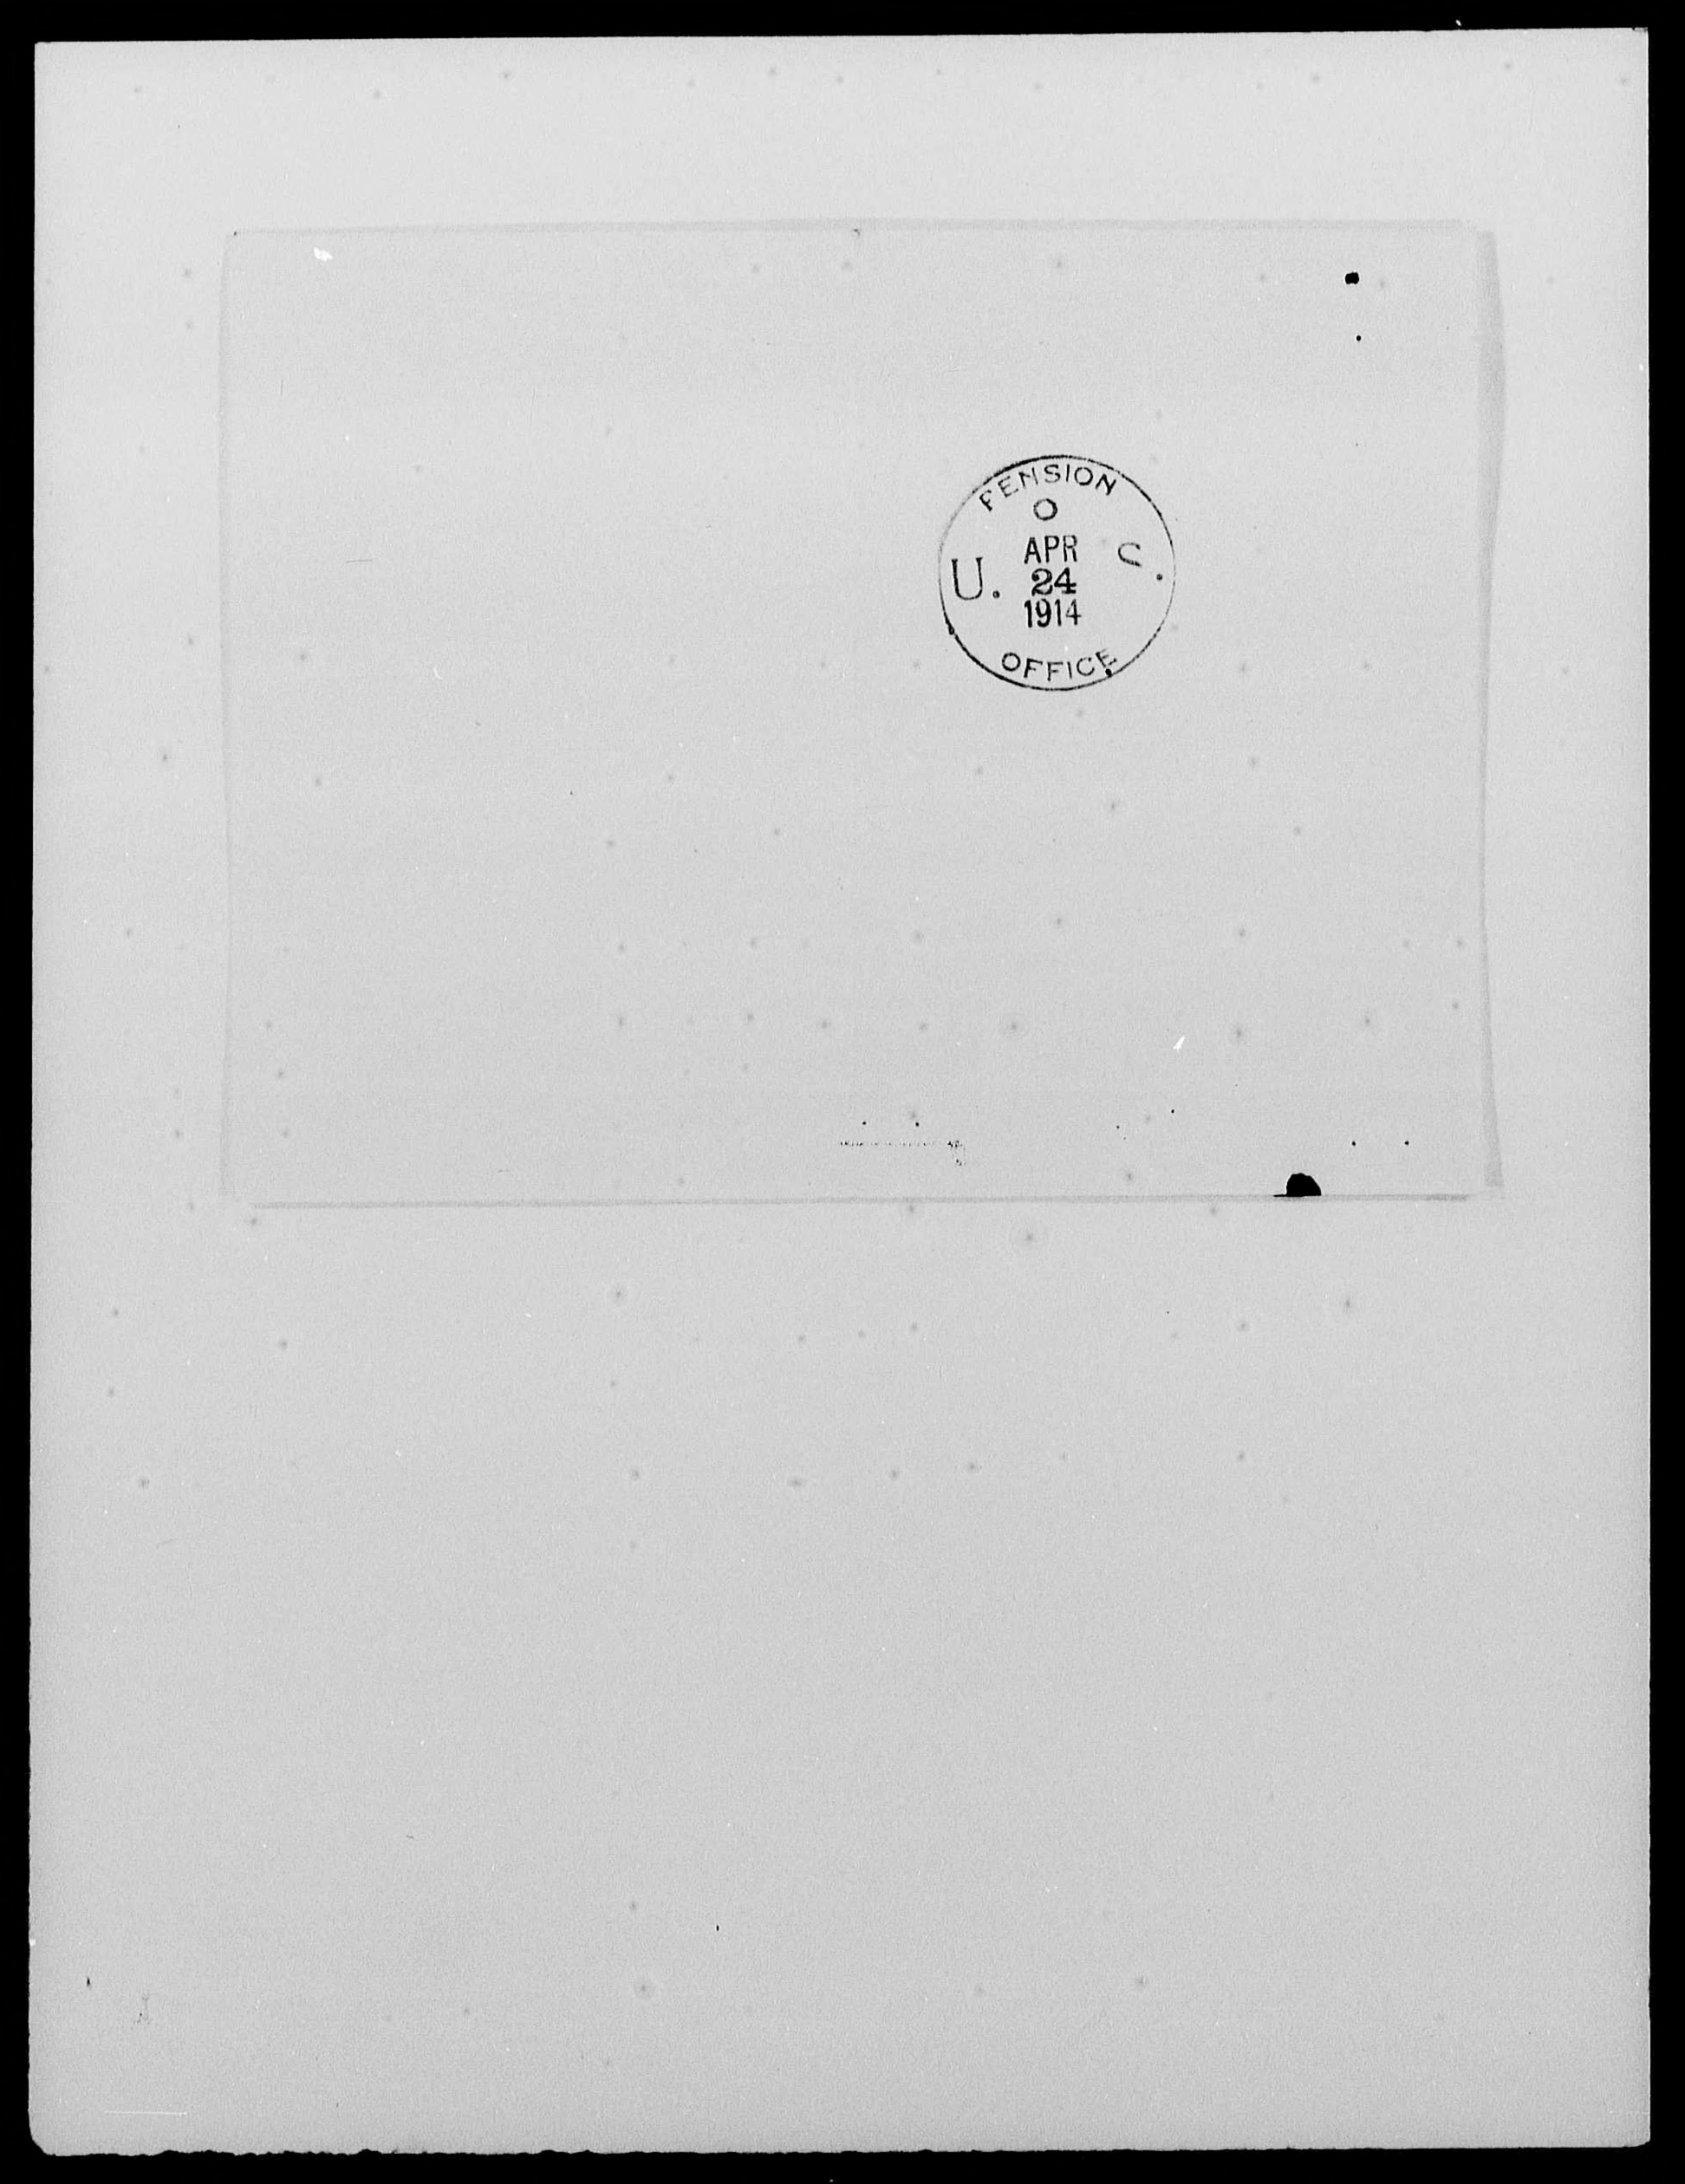[stamp]
U. S. PENSION OFFICE
O
APR 24 1914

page: 66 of 83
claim: widow's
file: W. 5946, John Brandon, Penn